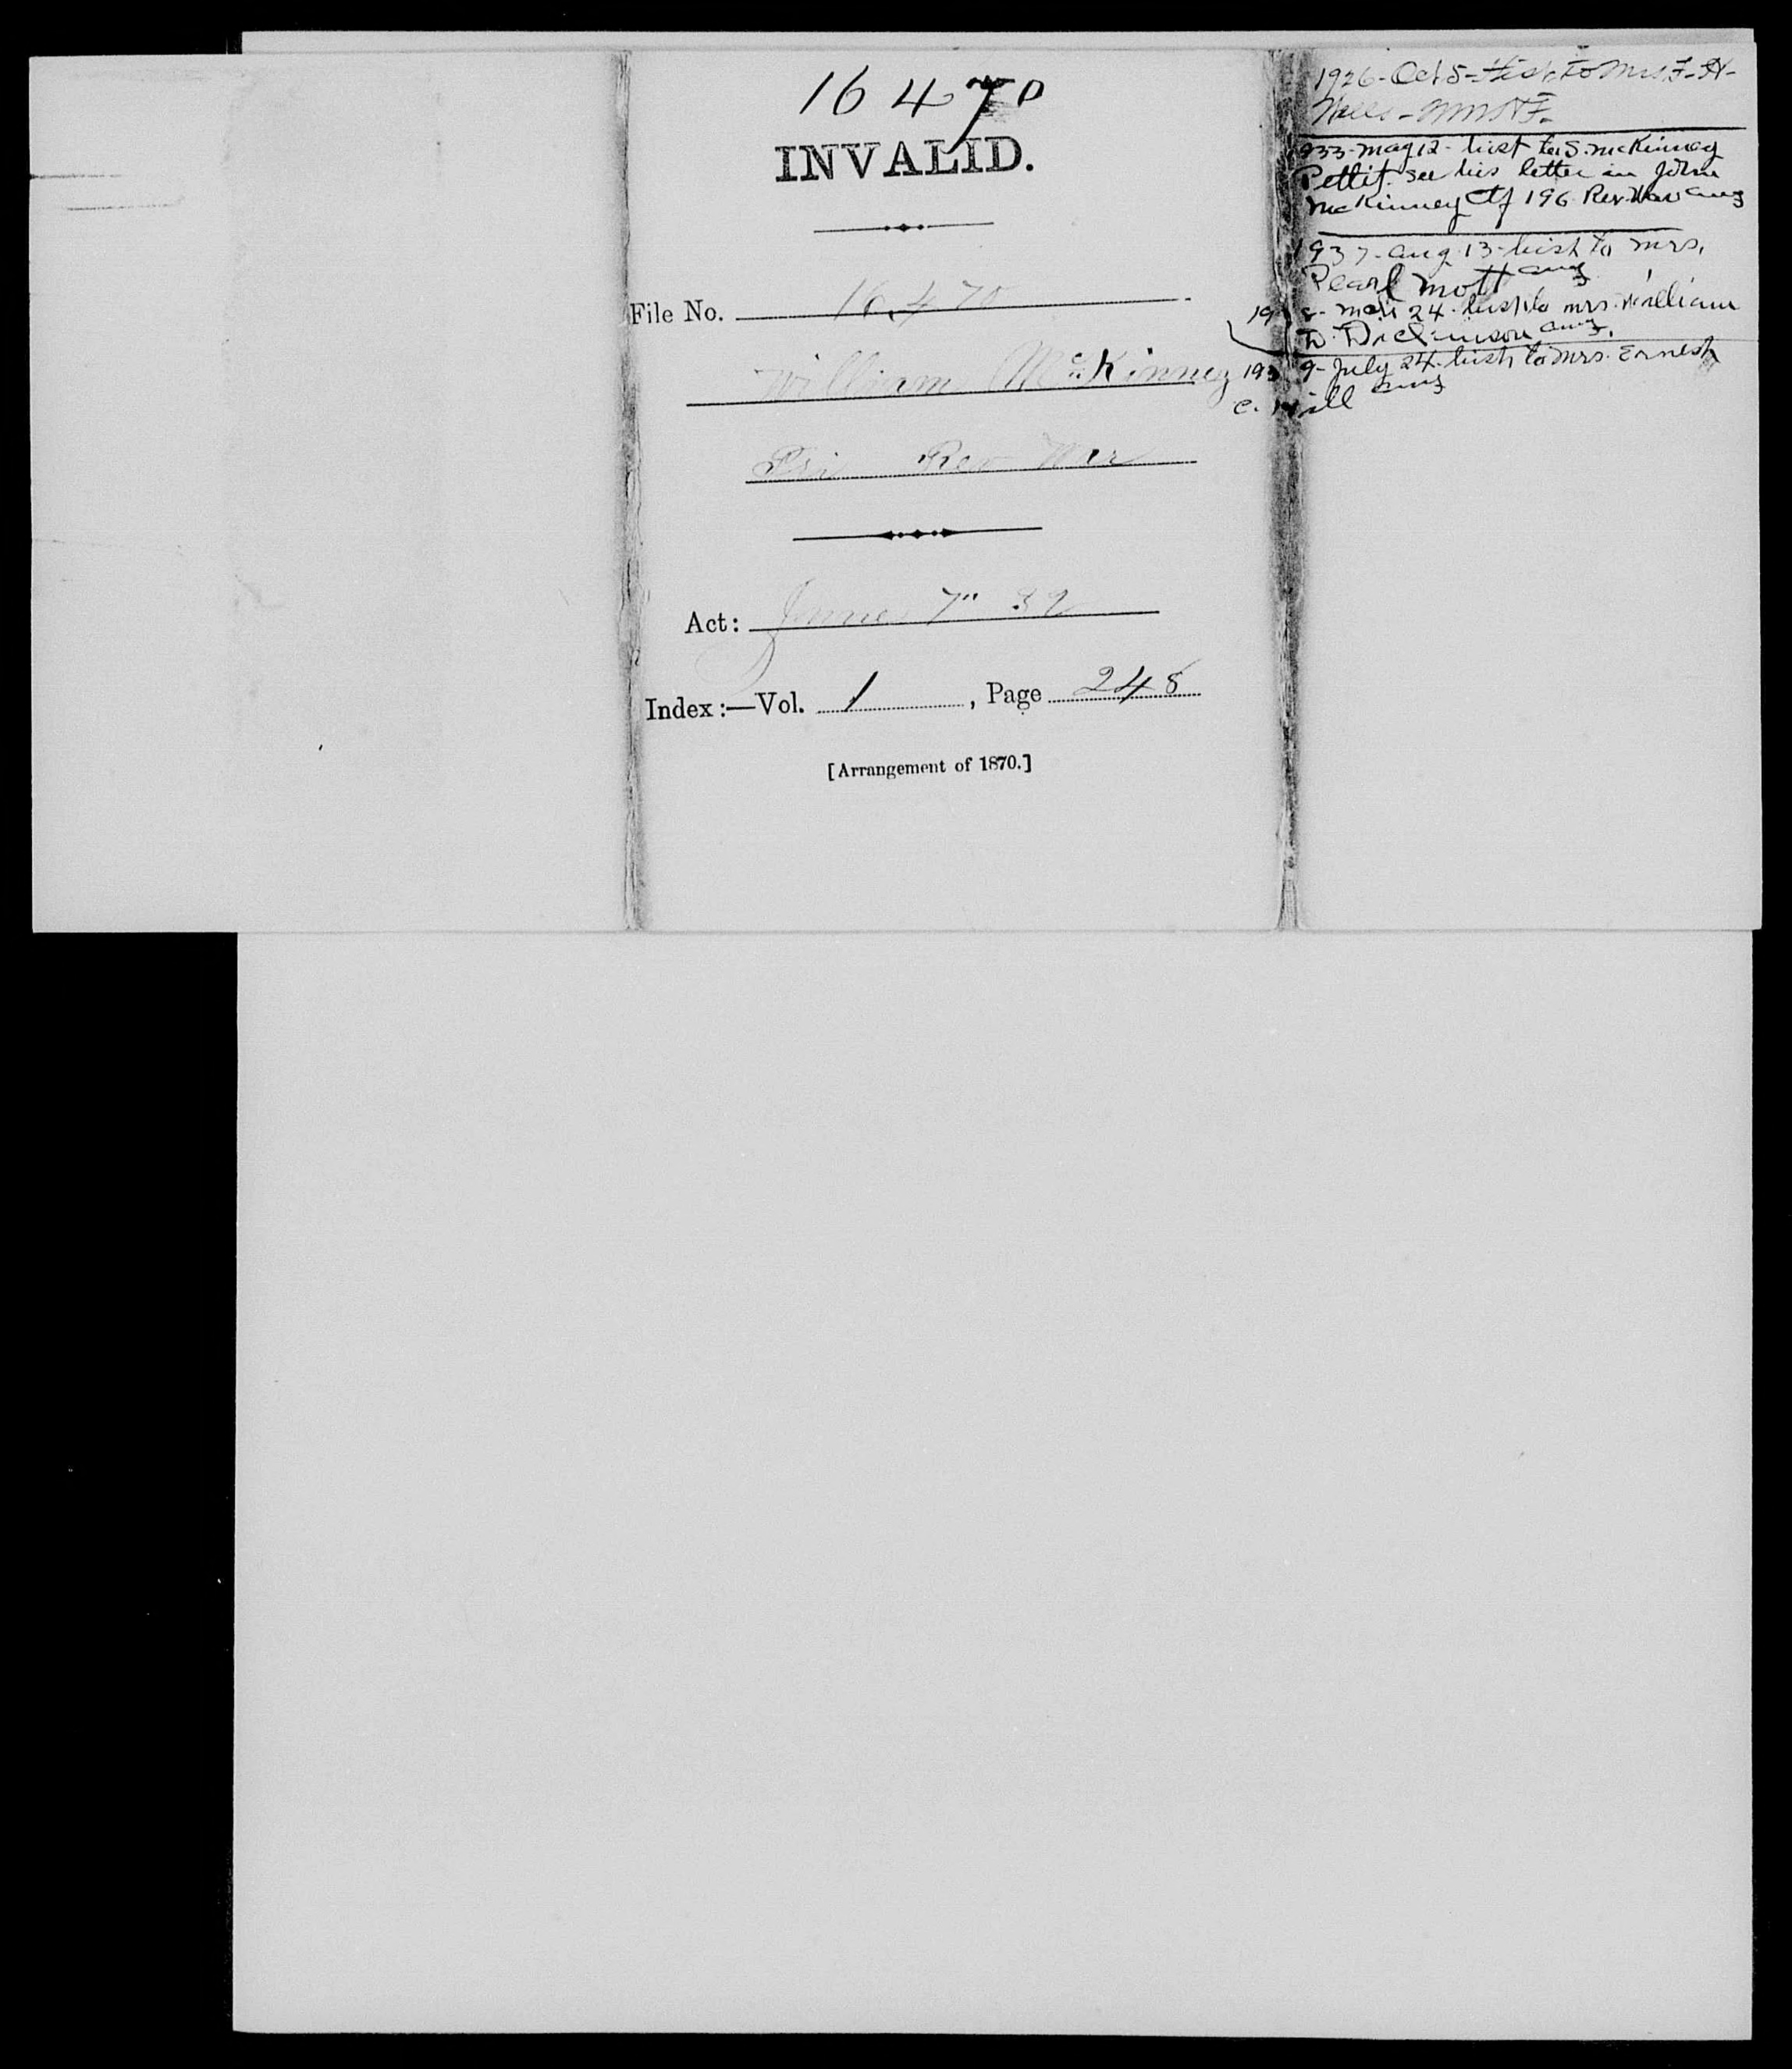16470
INVALID.
File No. 16470
William McKinney
Pvt Rev War
Act: June 7th 32
Index:--Vol. 1, Page 248
[Arrangement of 1870.]

1926 - Oct 5 - Hist to Mrs F.H. Wells- MMNF.

1933 - May 12  hist to S. McKinney Pettit. See his letter in John McKinney ctf 19G Rev. War [initialled] aug

1937 - Aug 13 - hist to Mrs. Pearl Mott 
1938 - Mch 24 hist to Mrs. William to Dickinson s/aug

1939 - July 24 - hist to Mrs. Ernest C. Hill s/aug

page: 11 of 28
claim: survivor's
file: S. 16,470, for William Mc Kinney, Georgia